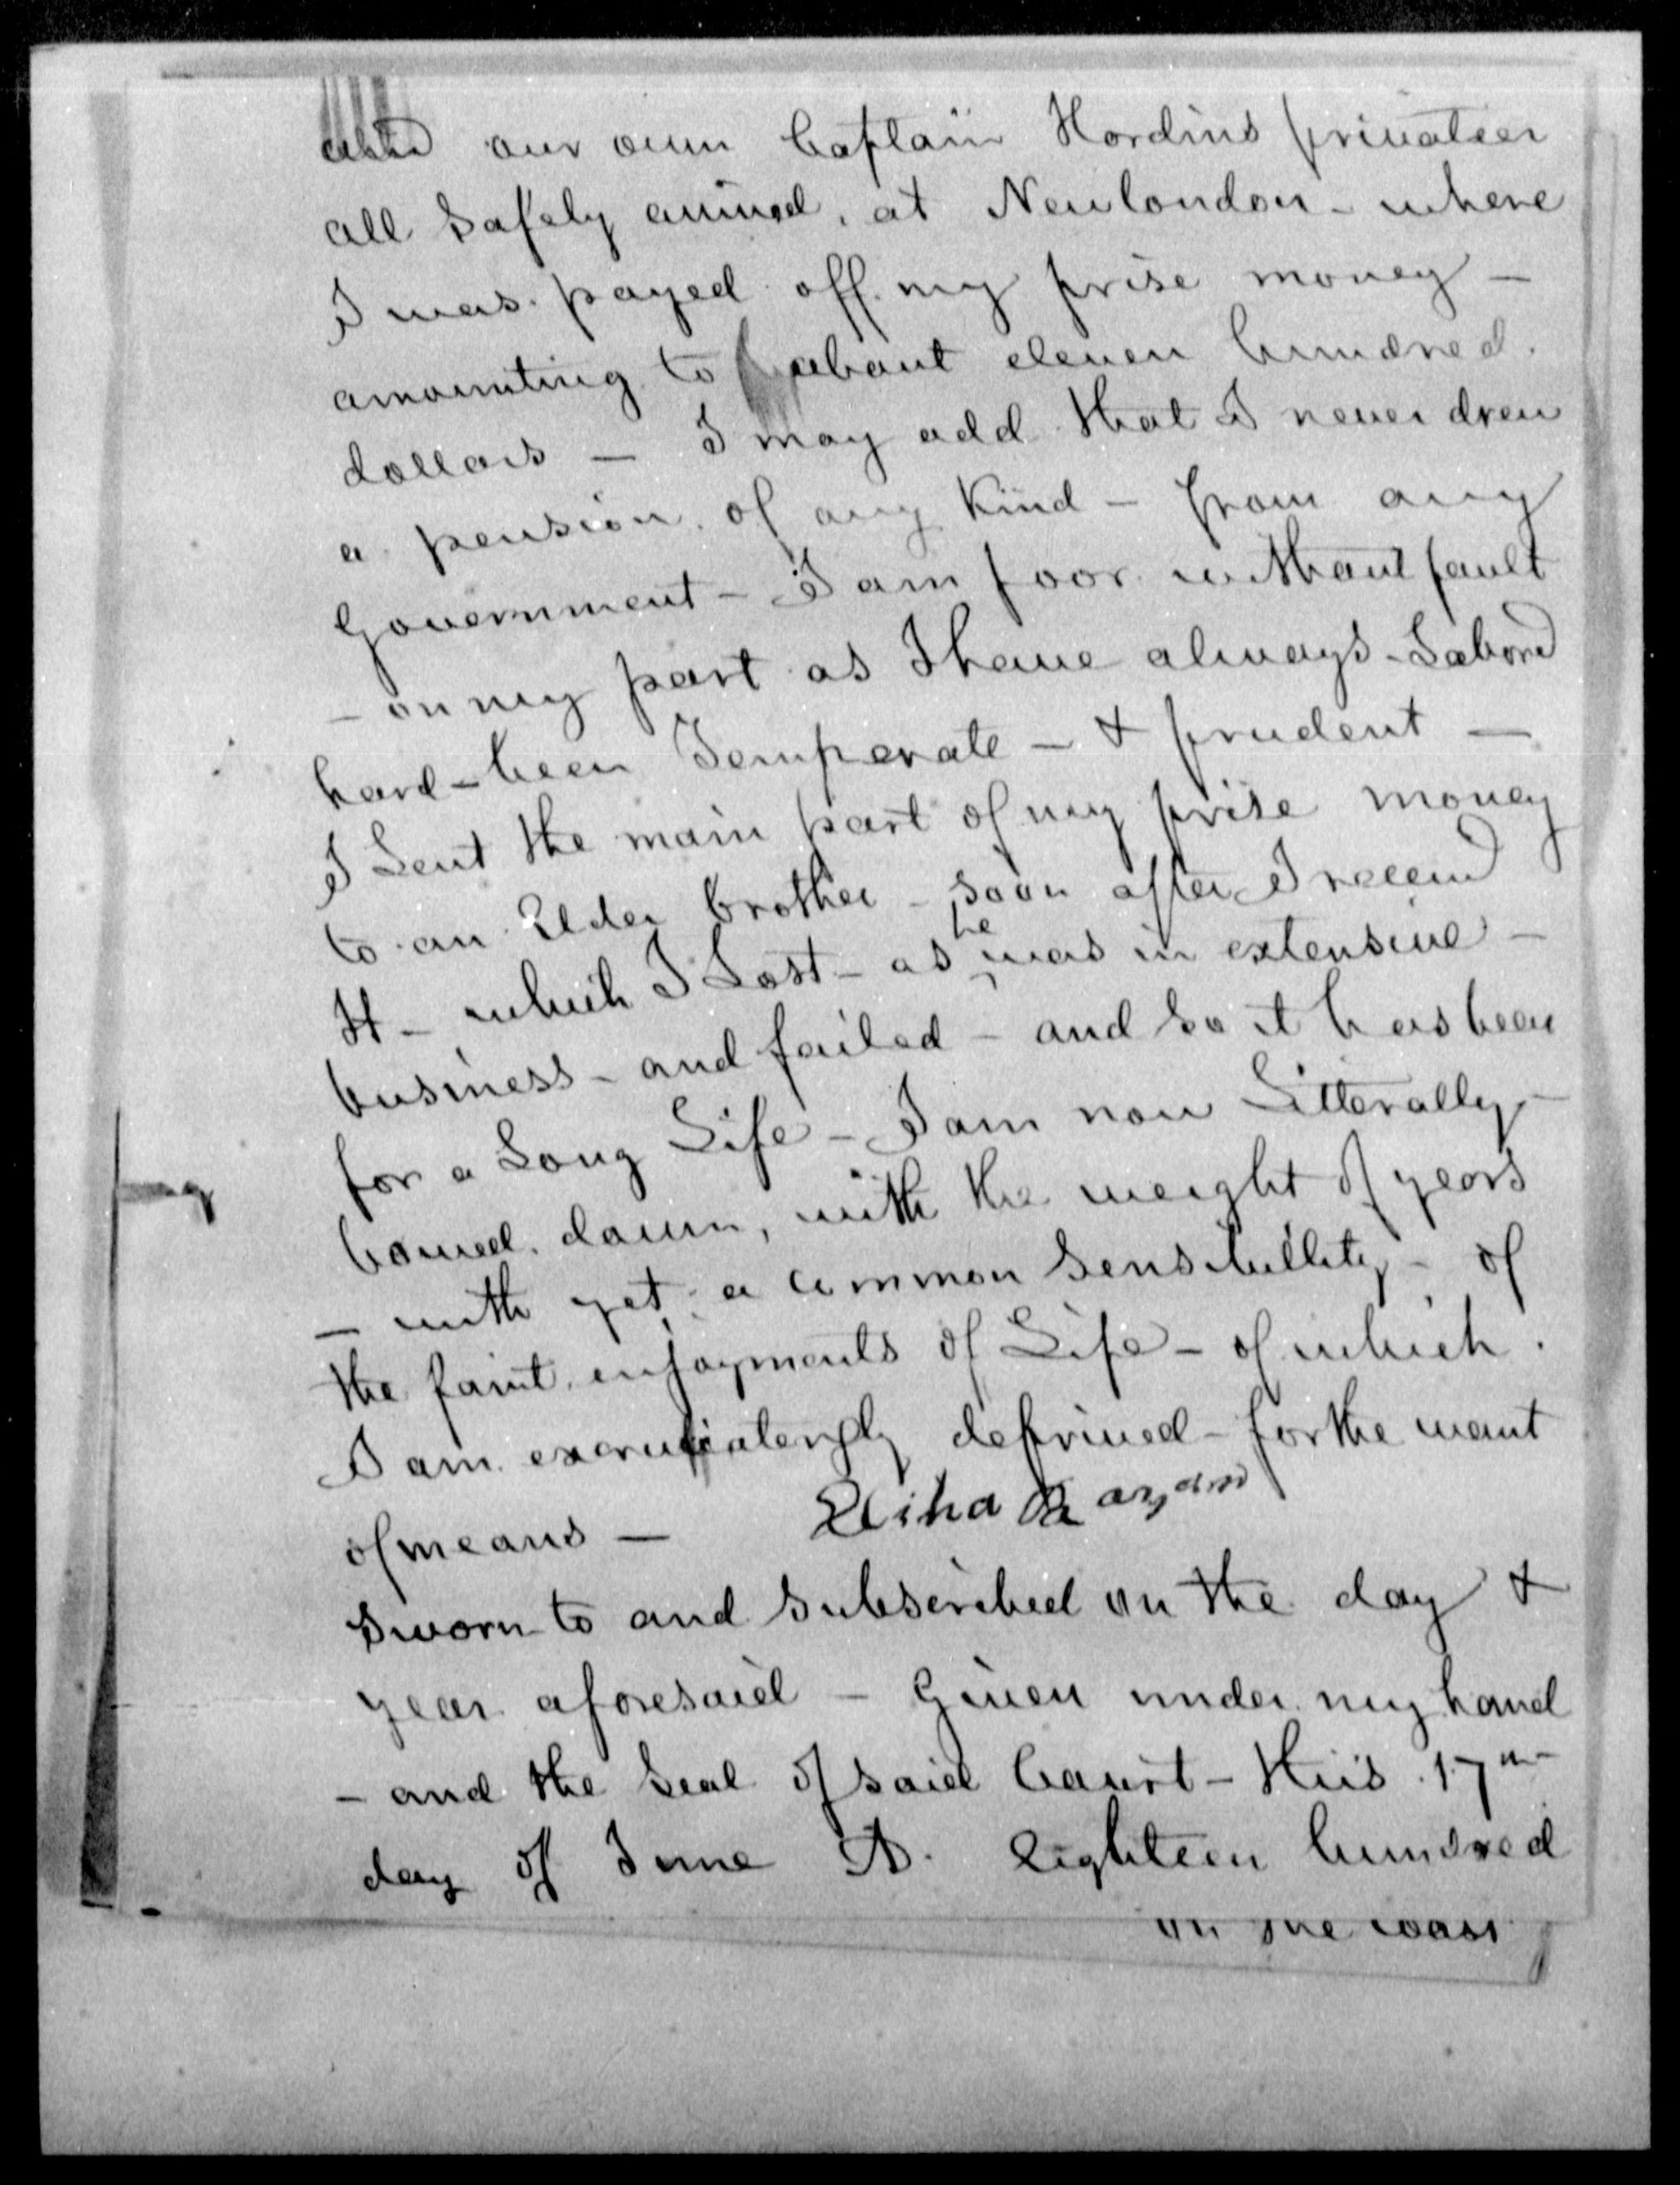Also our own Captain Hardings privateer all safely [ailed?] at New London- where I was payed off my prize money- amounting to about eleven hundred dollars- I may add that I never drew a pension of any kind- from any government- I am poor without fault- on my part as there always labored hard- keen temperate- & prudent- I sent the main part of my prize money to an Elder Brother soon after I knew it- which I lost- as he was in extensive business and failed and so it has been for a long life- I am now literally bound down , with the weight of years - with yet a common sensibility of the faint enjoyments of life of which I am excruciatingly deprived for the want of means - Elisha [ Reazand]
sworn to and subscribed on the day and year forsaid- given under my hand and the seal of said court this 17th day of June A.D. eighteen hundred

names: Eliha Reazand; [BLANK] Hardin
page: 7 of 30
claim: rejected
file: R. 8625, for Elisha Razar, Connecticut